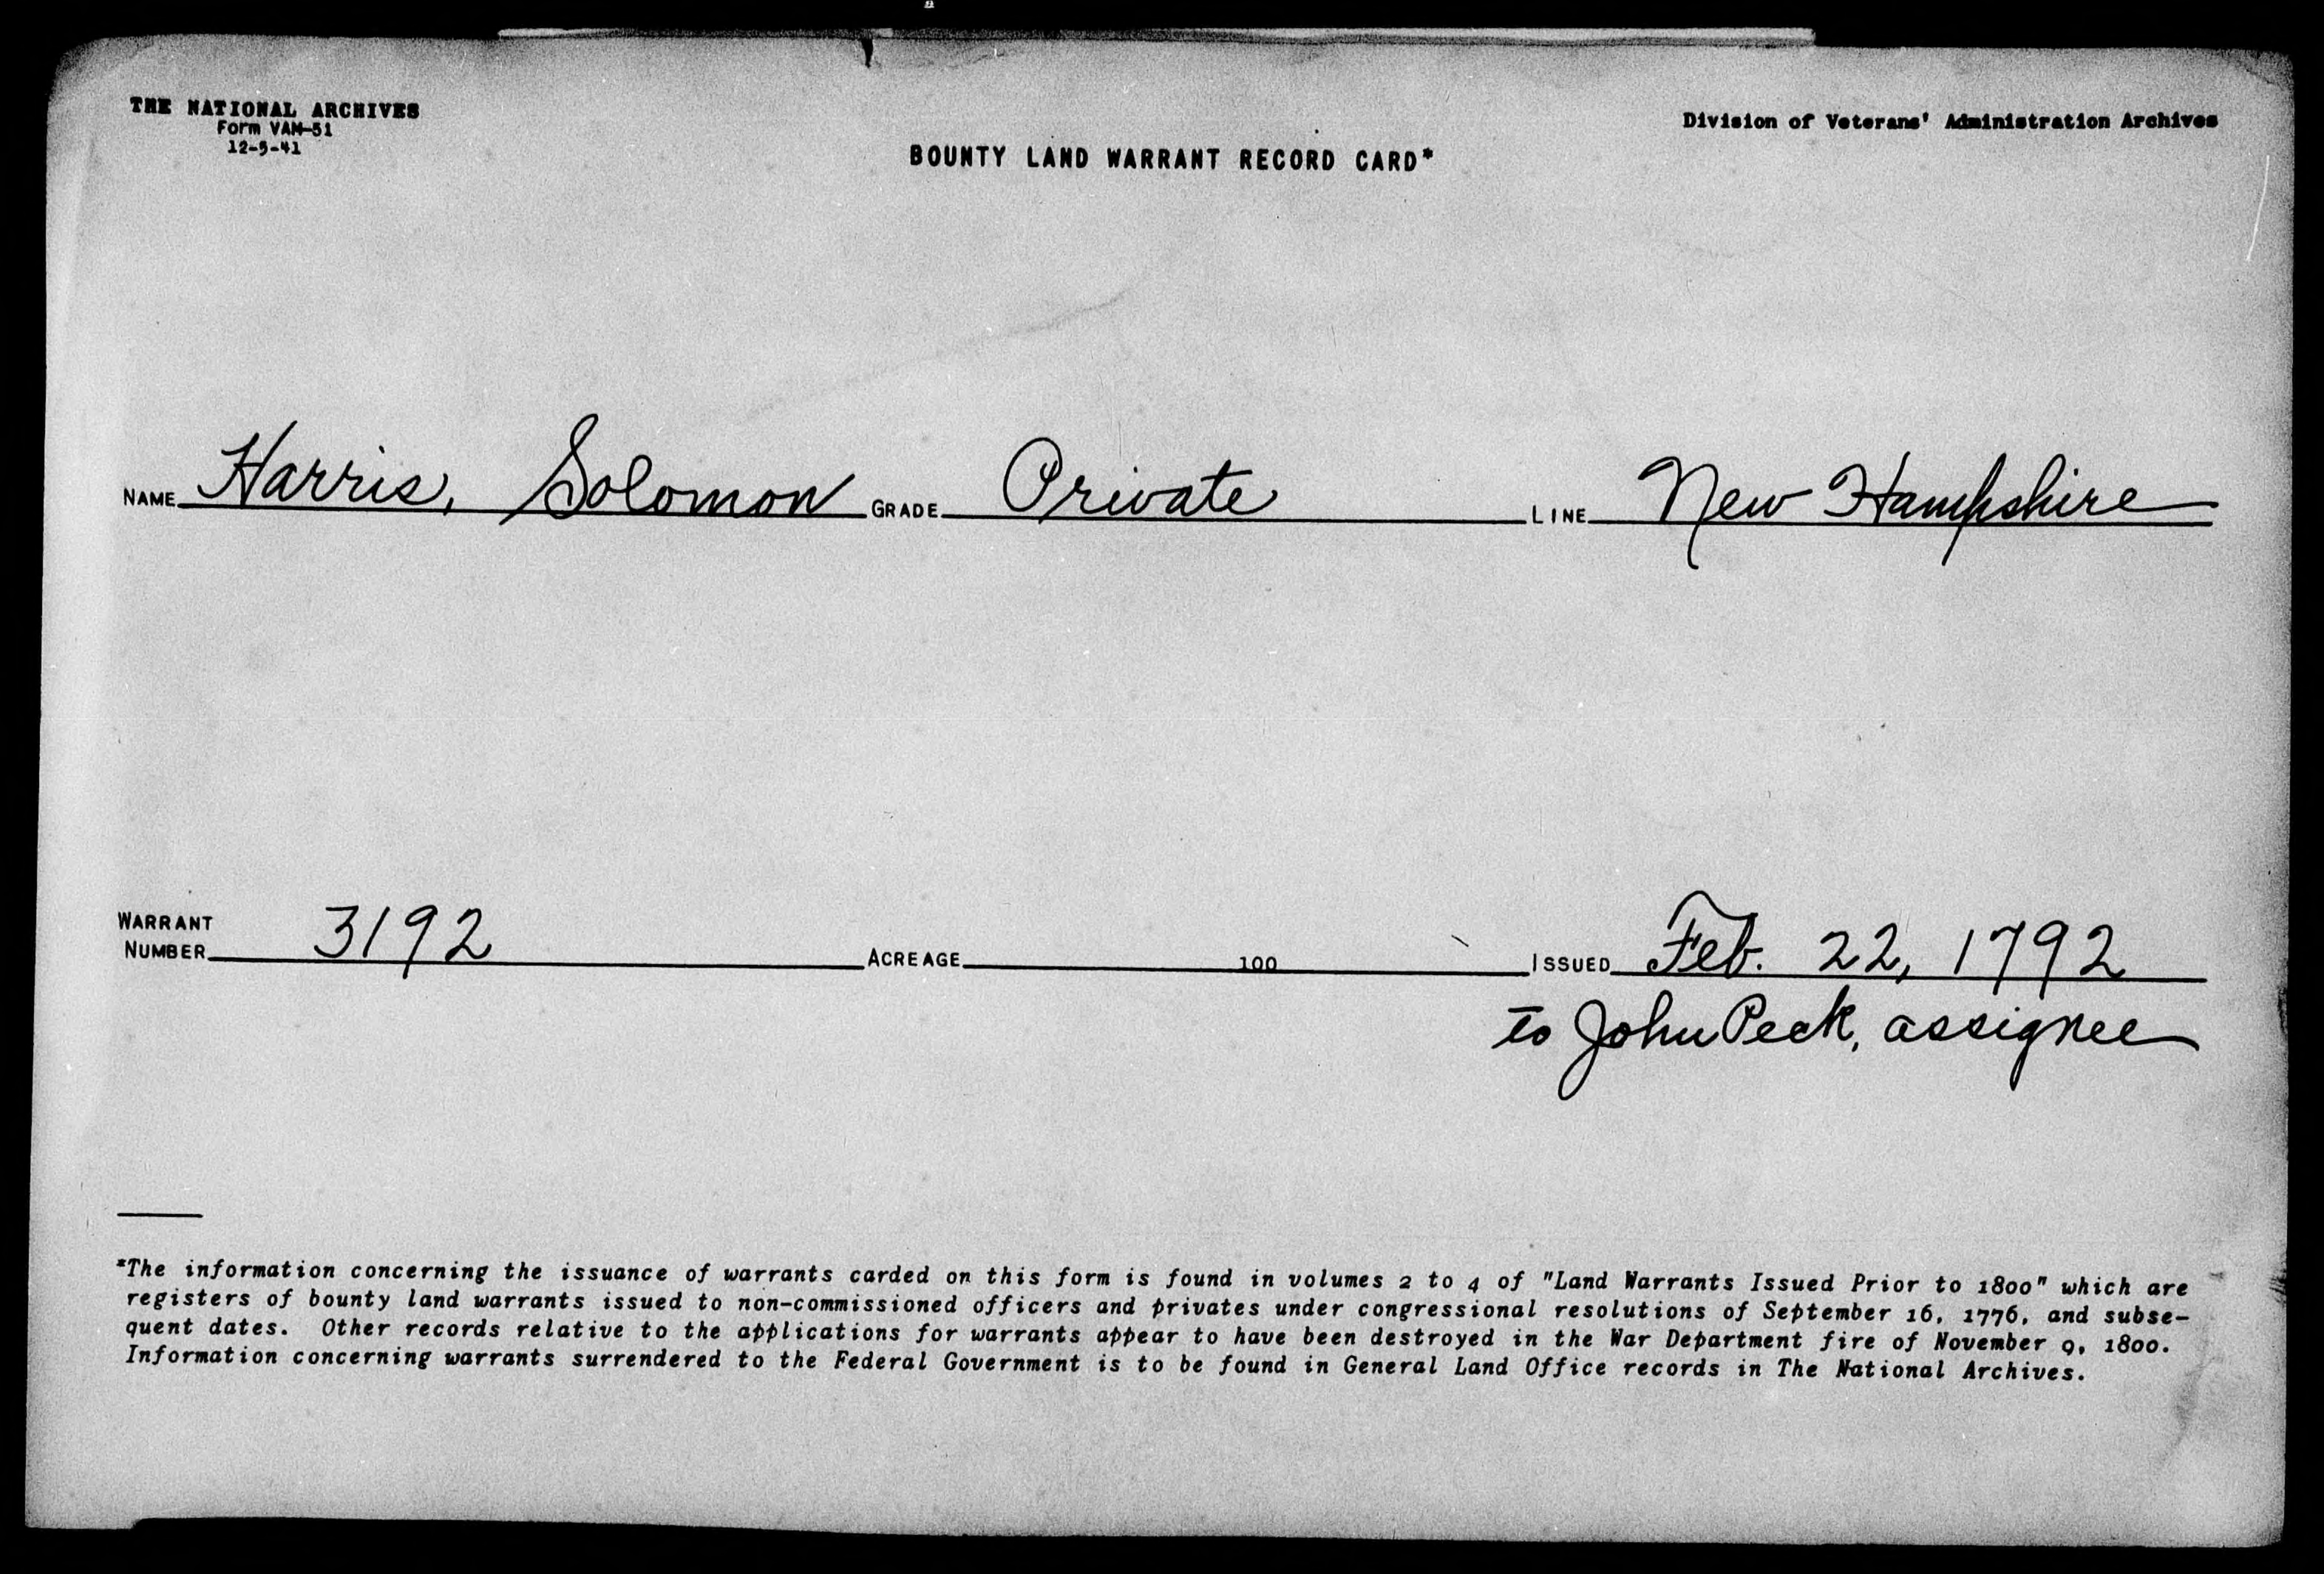The National Archives
Form VAM-51
12-5-41

BOUNTY LAND WARRANT RECORD CARD*

Division of Veterans' Administration Archives

Name Harris, Solomon Grade Private Line New Hampshire

Warrant Number 3192 Acreage 100 Issued Feb. 22, 1792 to John Peck, assignee

*The information concerning the issuance of warrants carded on this form is found in volumes 2 to 4 of "Land Warrants Issued Prior to 1800" which are registers of bounty land warrants issued to non-comissioned officers and privates under congressional resolutions of September 16, 1776, and subsequent dates. other records relative to the applications for warrants appear to have been destroyed in the War Department fire of November 9, 1800. Information concerning warrants surrendered to the Federal Government is to be found in General Land Office records in The National Archives.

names: John Peck, Solomon Harris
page: 24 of 24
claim: rejected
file: R. 4684, Simon Harris, Va.